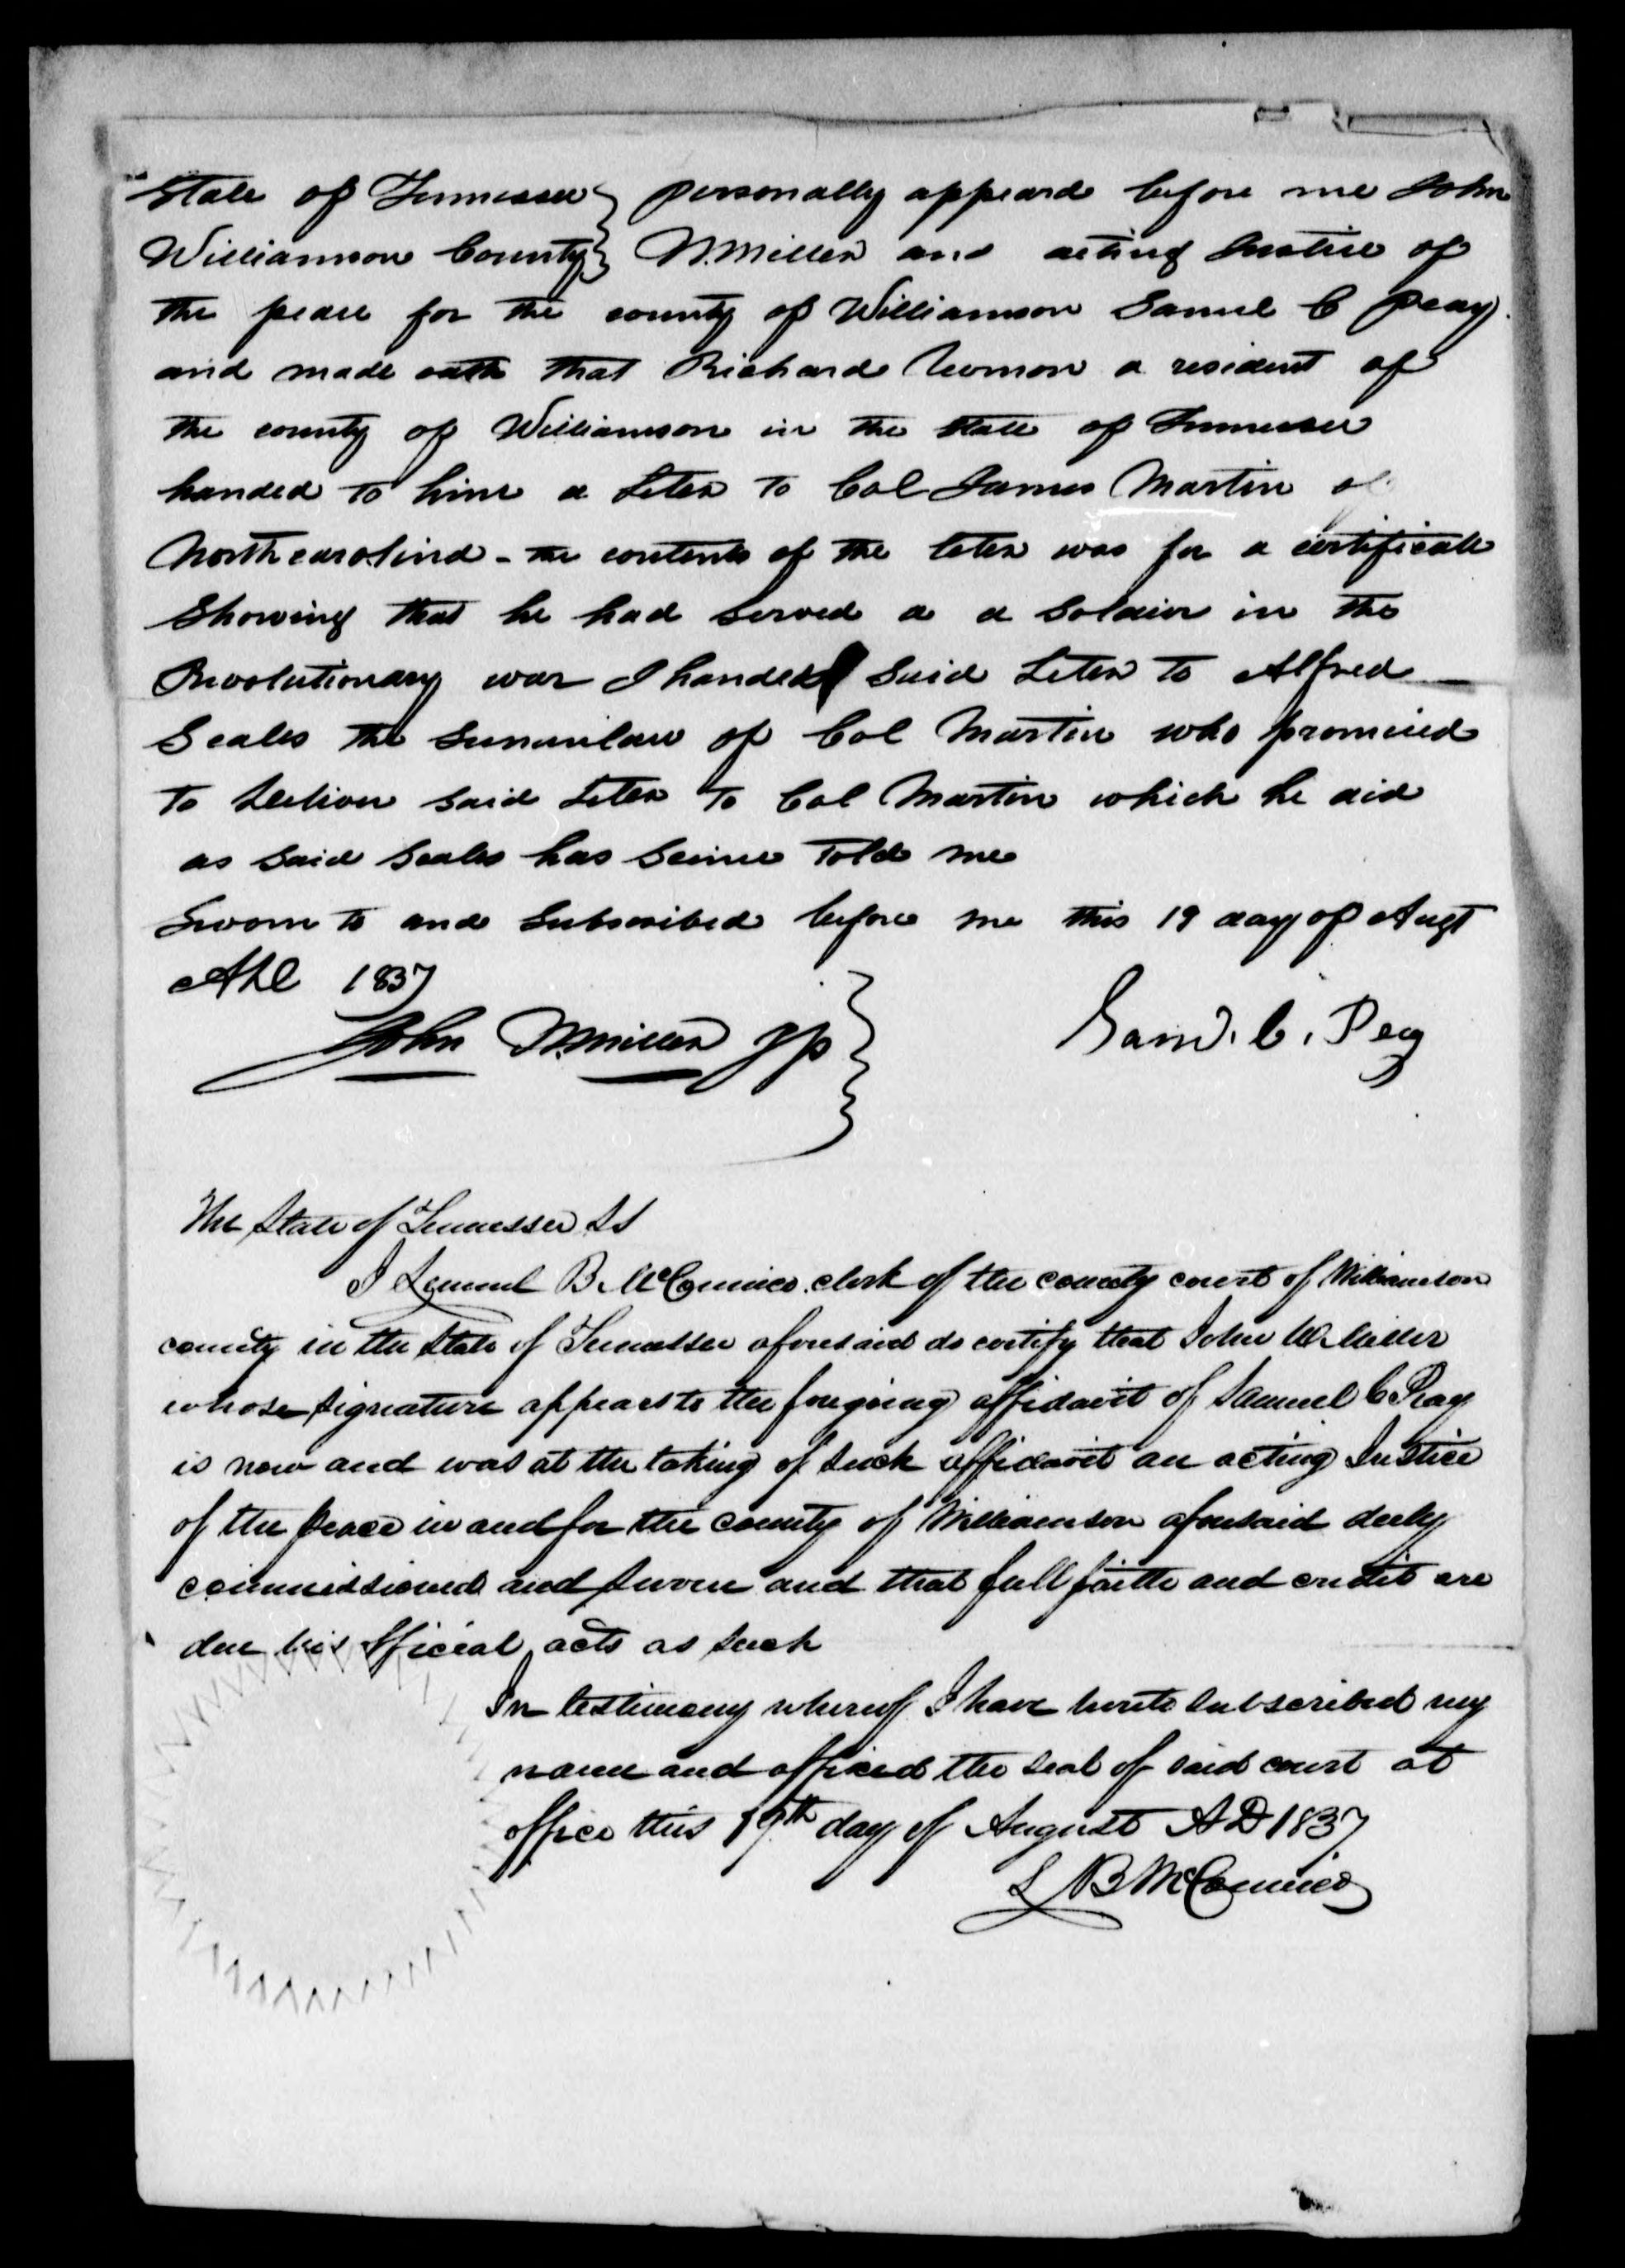State of Tennessee}
Williamson County}

Personally appeared John W. Miller and acting Justice of the Peace in and for the county of Williamson Saml C. Peay and made oath that Richard Vernon a resident of the county of Williamson in the State of Tennessee handed to him a Leter to Col. James Martin of North Carolina – the contents of the leter was for a certificate Showing that he had served as a Soldier in the Revolutionary war I handed Said Leter to Alfred Scales the soninlaw of Col Martin who promised to deliver Said Leter to Col Martin which he did as Said Scales has since told me.
Sworn to and Subscribed before me this 19 day of Augt AD 1837
John W. Miller JP} Sam. C. Peay

The State of Tennessee SS
I Lemuel B. McConnico clerk of the county court of Williamson county in the State of Tennessee aforesaid do certify that John W. Miller whose signature appears to the foregoing affidavit of Samuel C Peay is now and was at the taking of Such affidavit an acting Justice of the Peace in and for the county of Williamson aforesaid duly commissioner and Sworn and that full faith and credit are due his official acts as such
In testimony whereof I have hereto subscribed my name and affixed the seal of said court at office this 19th day of August AD 1837
L. B. McConnico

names: Samuel C Peay, John W Miller, L B Mc Connico, Martin, Saml C Peay, John W Miller, Richard Vernon, Lemuel B Mc Connico, Martin, John W Miller, Samel C Peay, Alfred Scales, James Martin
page: 98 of 105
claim: survivor's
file: S. 1883, Richard Vernon, N.C.